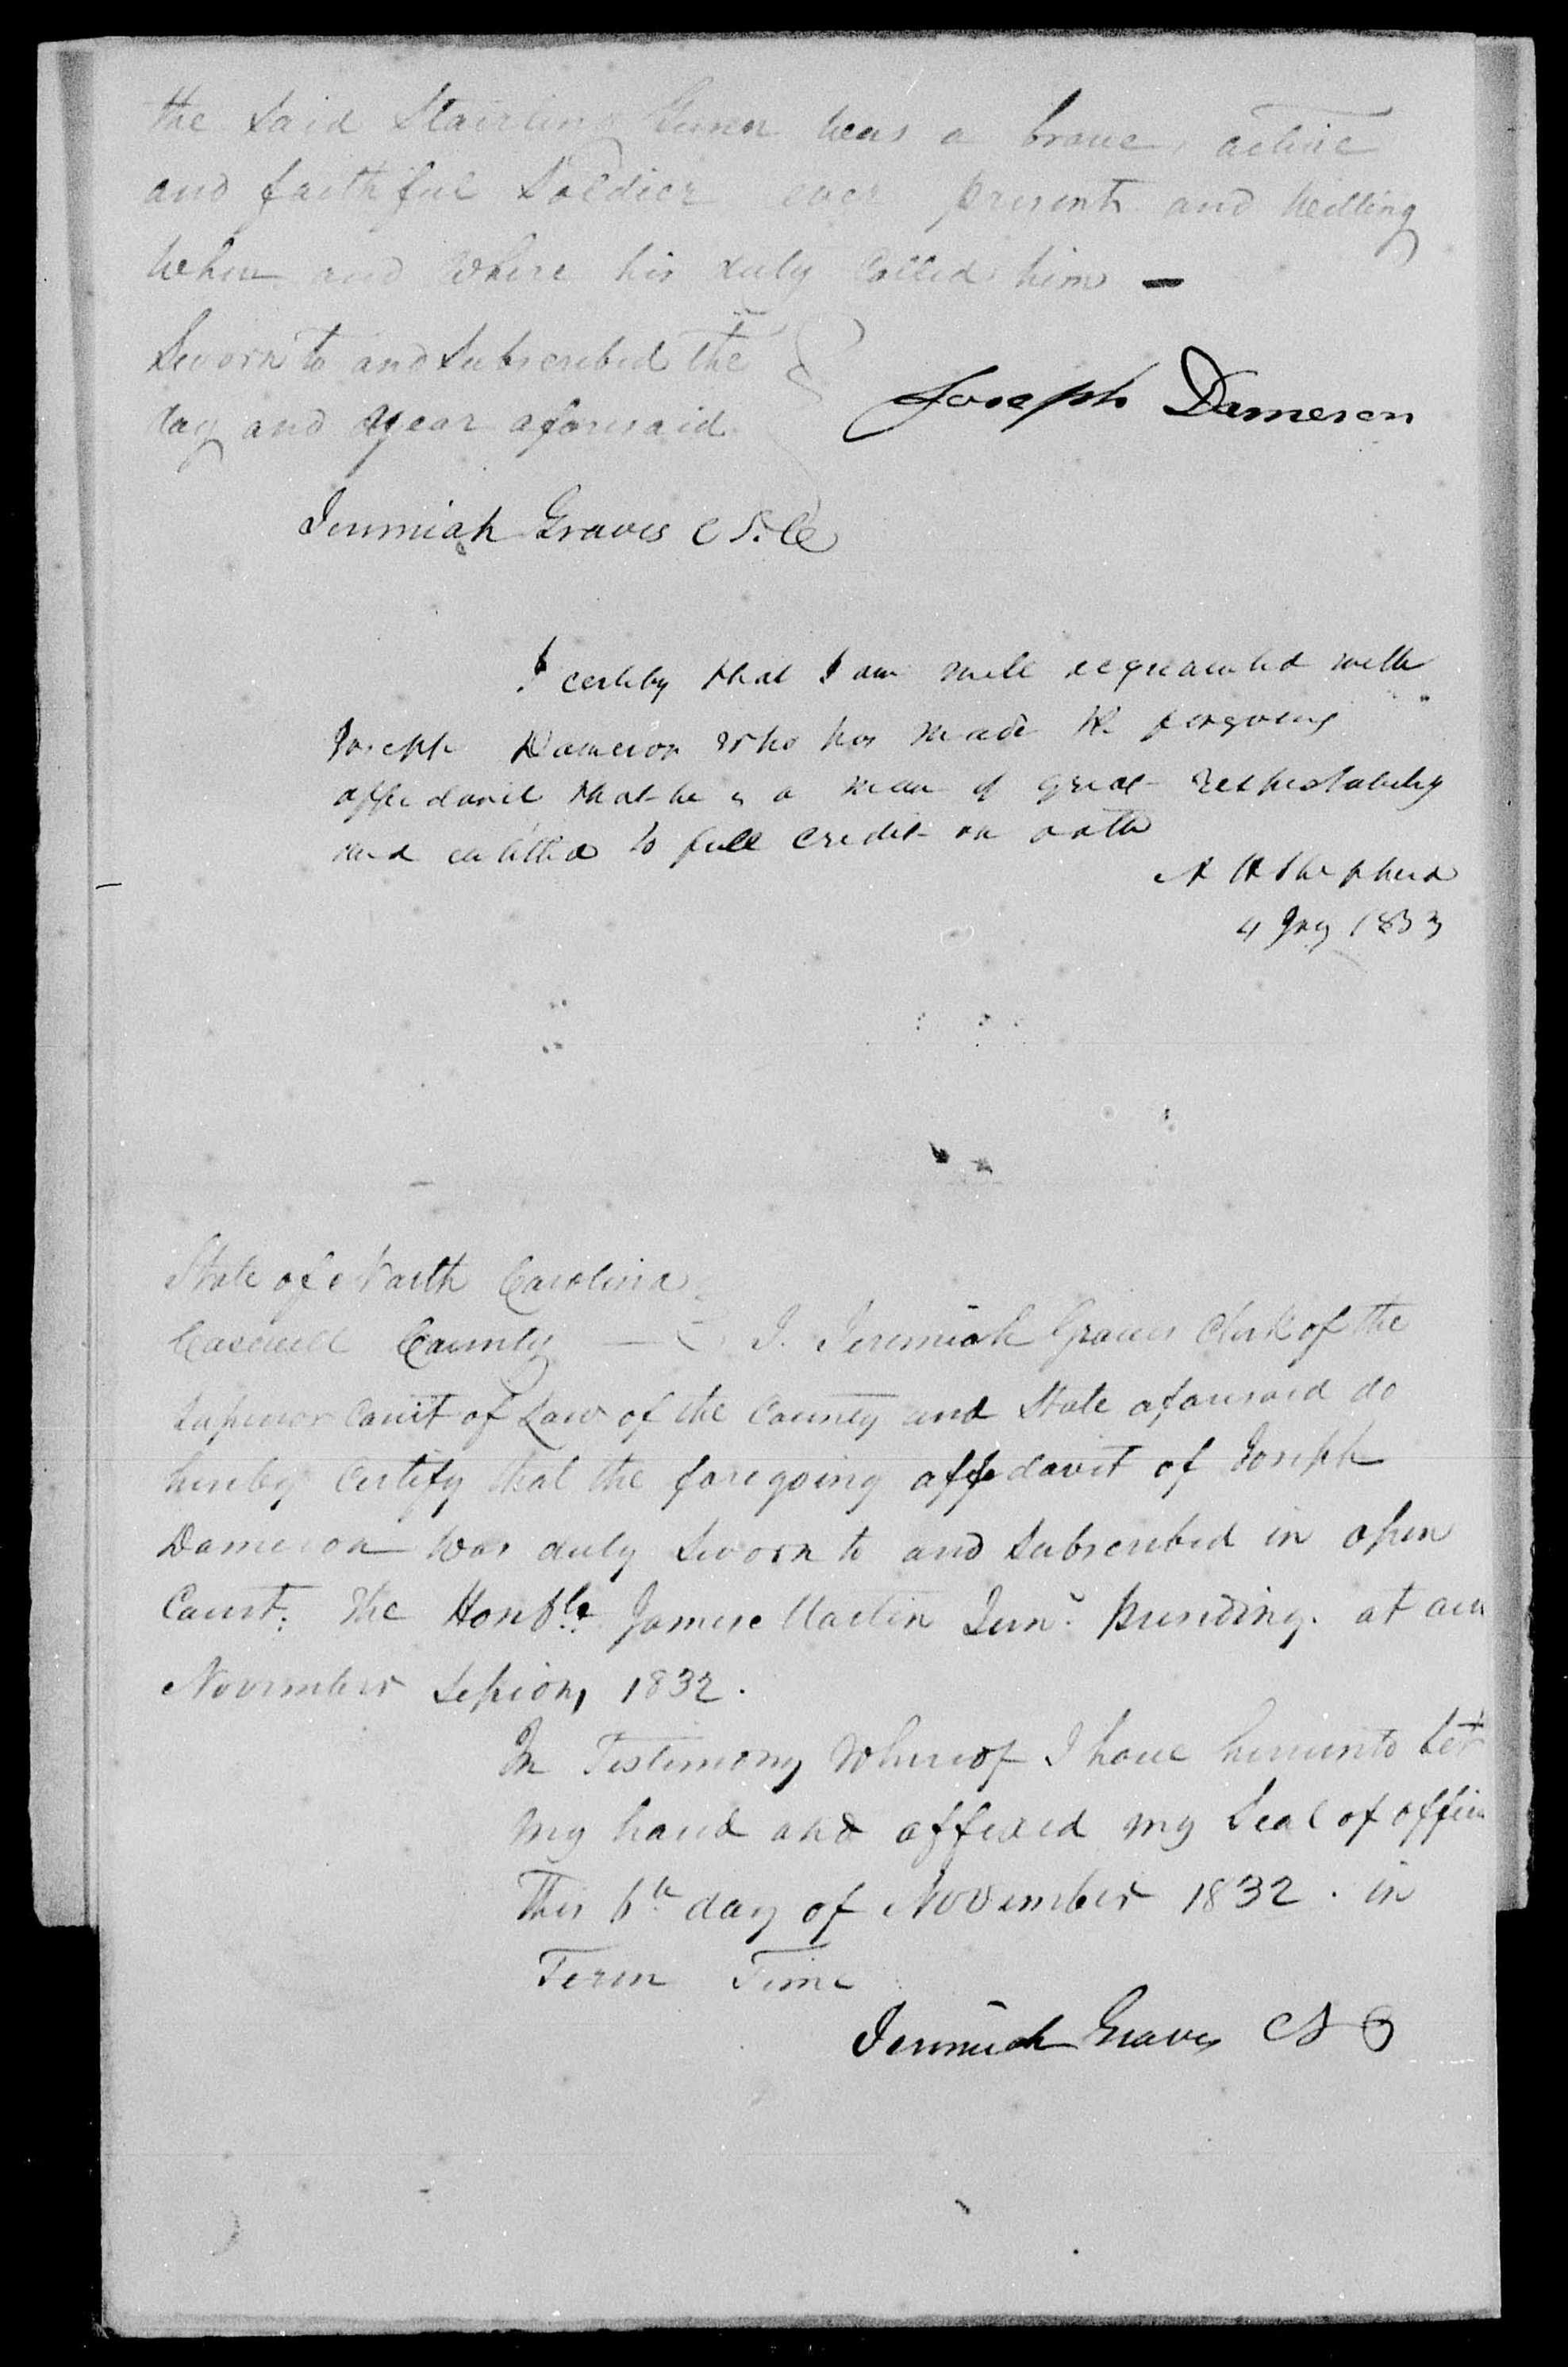the said Stairling Gunn was a brave, active and faithful soldier ever present and willing when and where his duty called him-
Joseph Dameron
Sworn to and subscribed the day and year aforesaid.
Jeremiah Graves C S.C.C

I certify that I am well acquainted with Joseph Dameron who has made the forgoing affidavit  & that he is a man of great respectability and entitled to full credit on oath
A H Shepherd
4 Jany 1833

State of North Carolina }
Caswell County - } 
I Jeremiah Graves Clerk of the Superior Court of Law of the County and State aforesaid do
hereby certify that the foregoing affidavit of Joseph Dameron was duly sworn to and subscribed in open Court:  The Honble. James Martin Junr. presiding at our November Sessions 1832.
In Testimony whereof I have hereunto set my hand and affixed my seal of office this 6th day of November 1832 in Term Time
Jeremiah Graves CSC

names: Stairling Gunn, A H Shepherd, Joseph Dameron, Jeremiah Graves, Joseph Dameron, Jeremiah Graves, Joseph Dameron, James Martin, Jeremiah Graves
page: 57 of 58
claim: survivor's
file: S. 6,941, Starling Gunn, Continental Va.